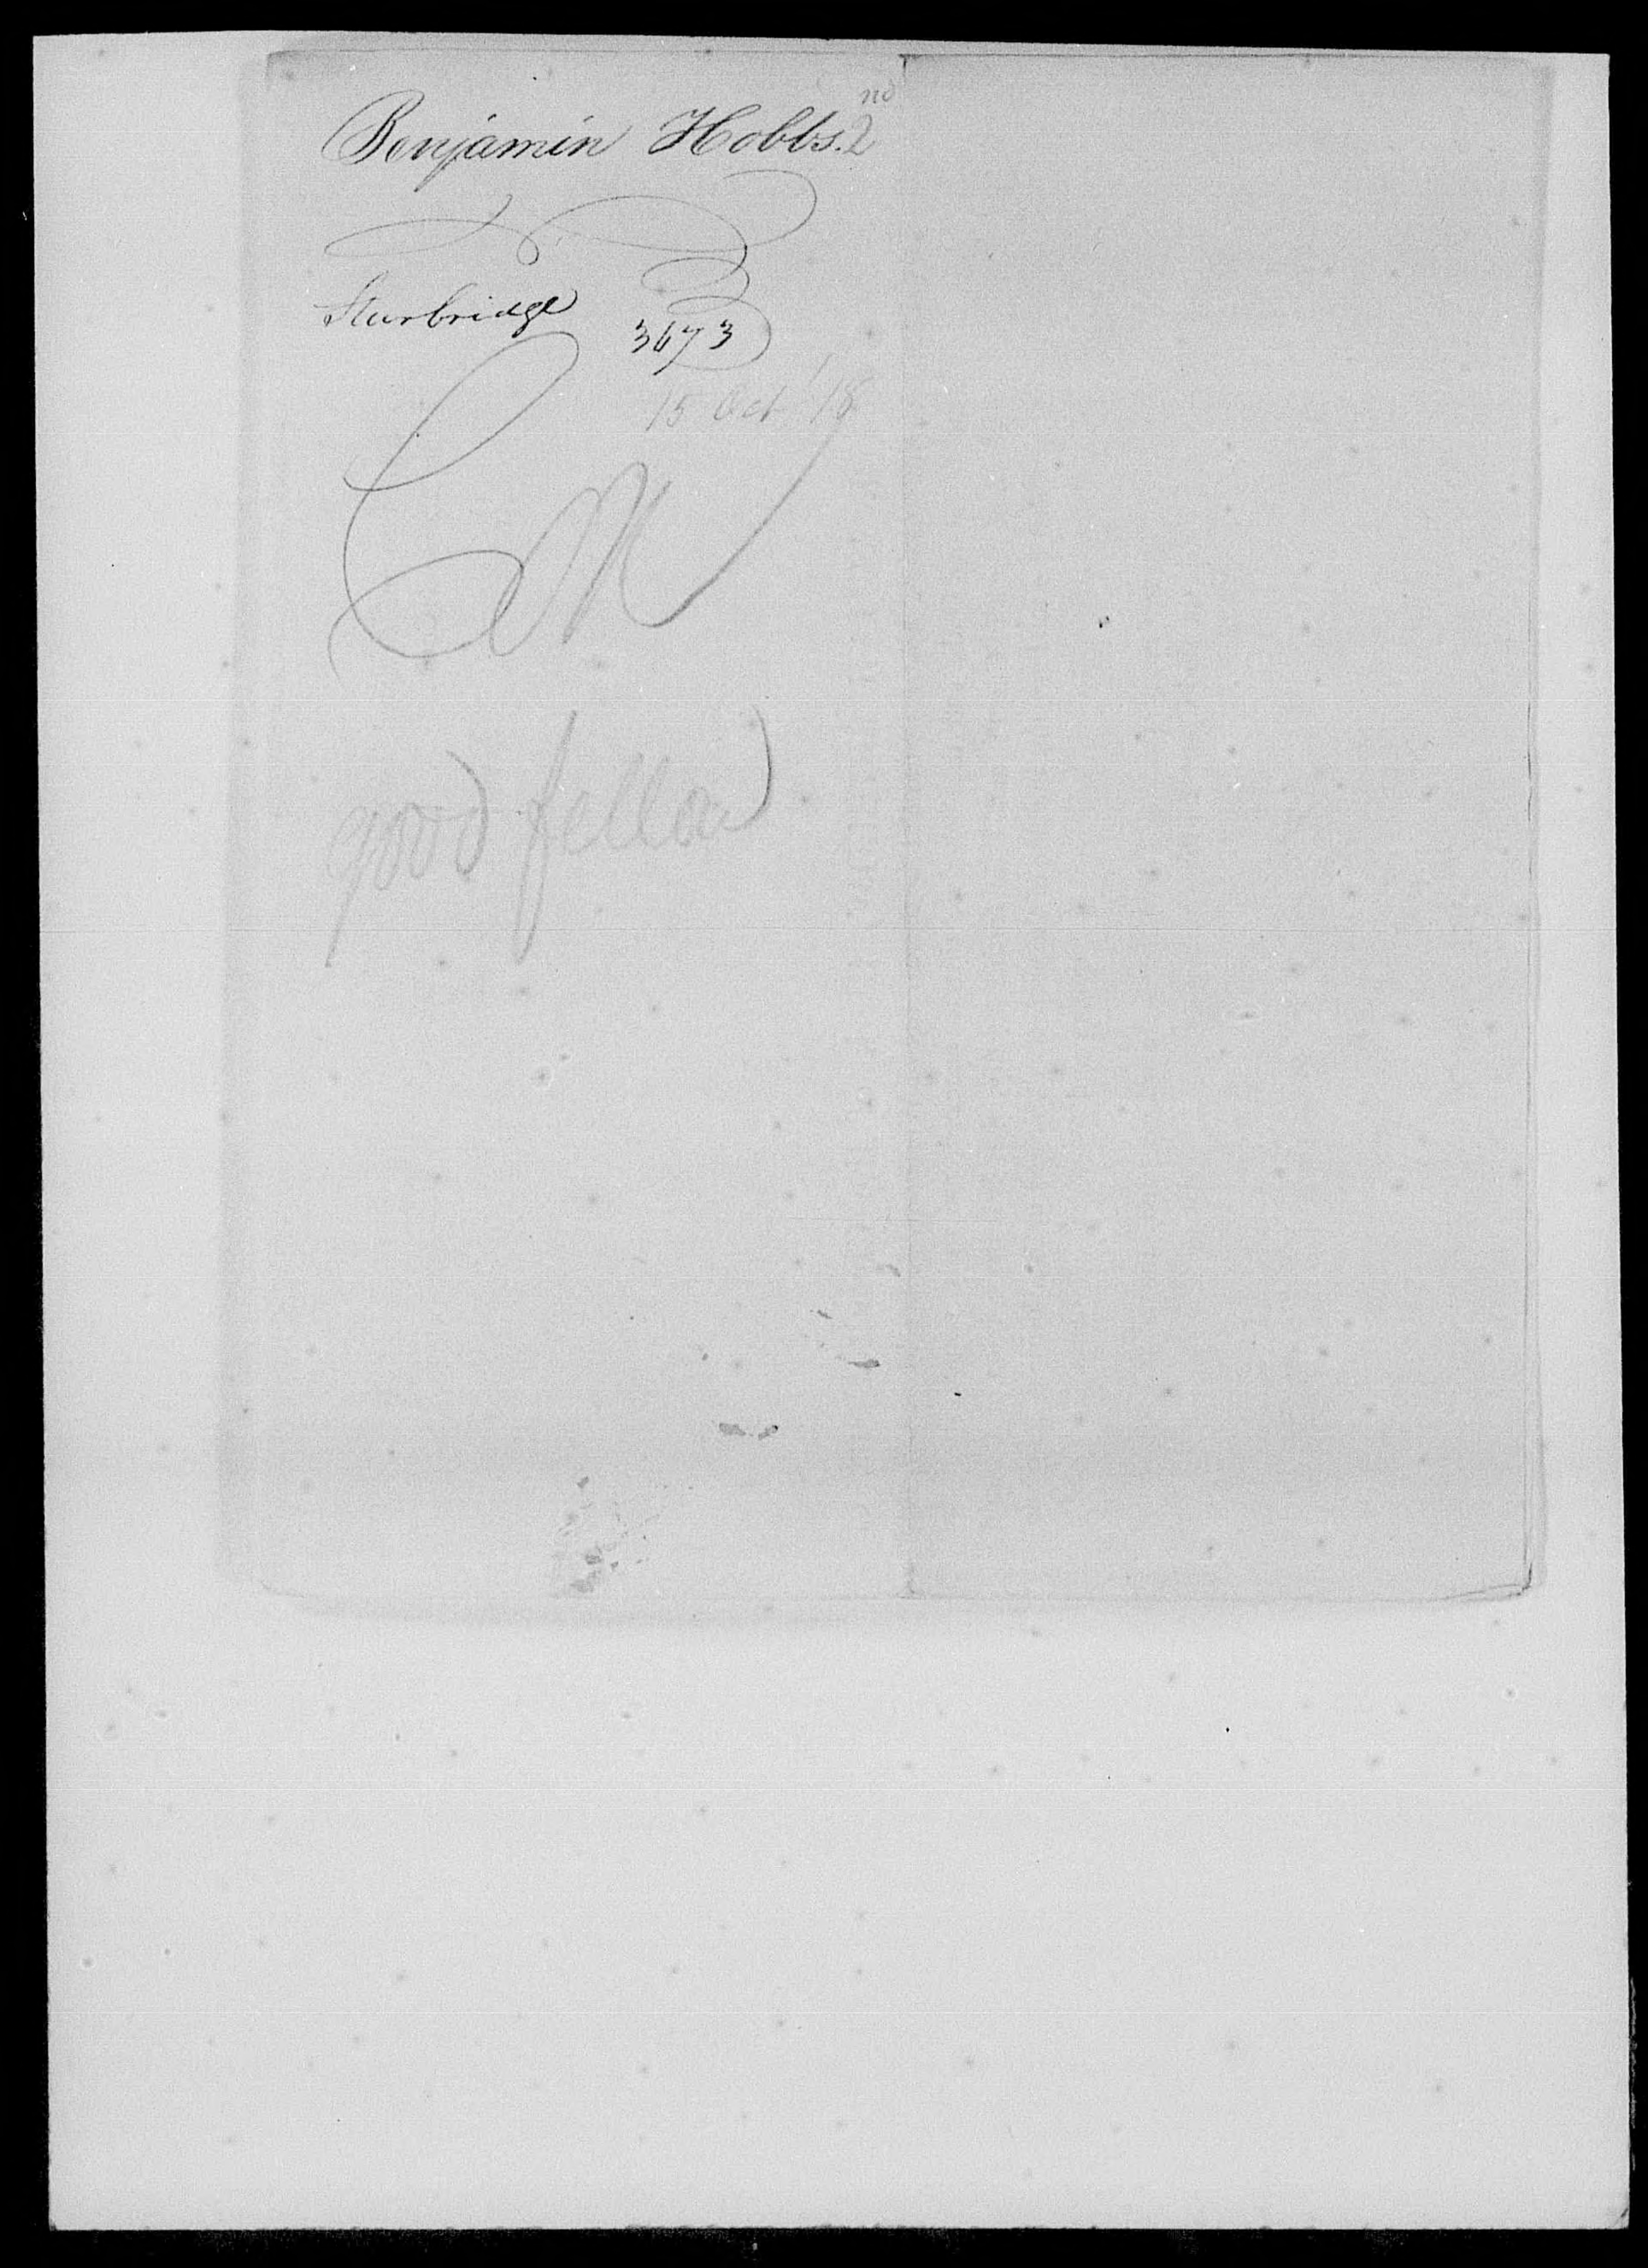Benjamin Hobbs [in pencil - 710 2]

Sturbridge 3673

[the following three lines in pencil]
15 Oct '18

Con

good fellow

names: Benjamin Hobbs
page: 9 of 13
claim: survivor's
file: S. 32,846, Benjamin Hobbs, Continental Mass. & War Of 1812